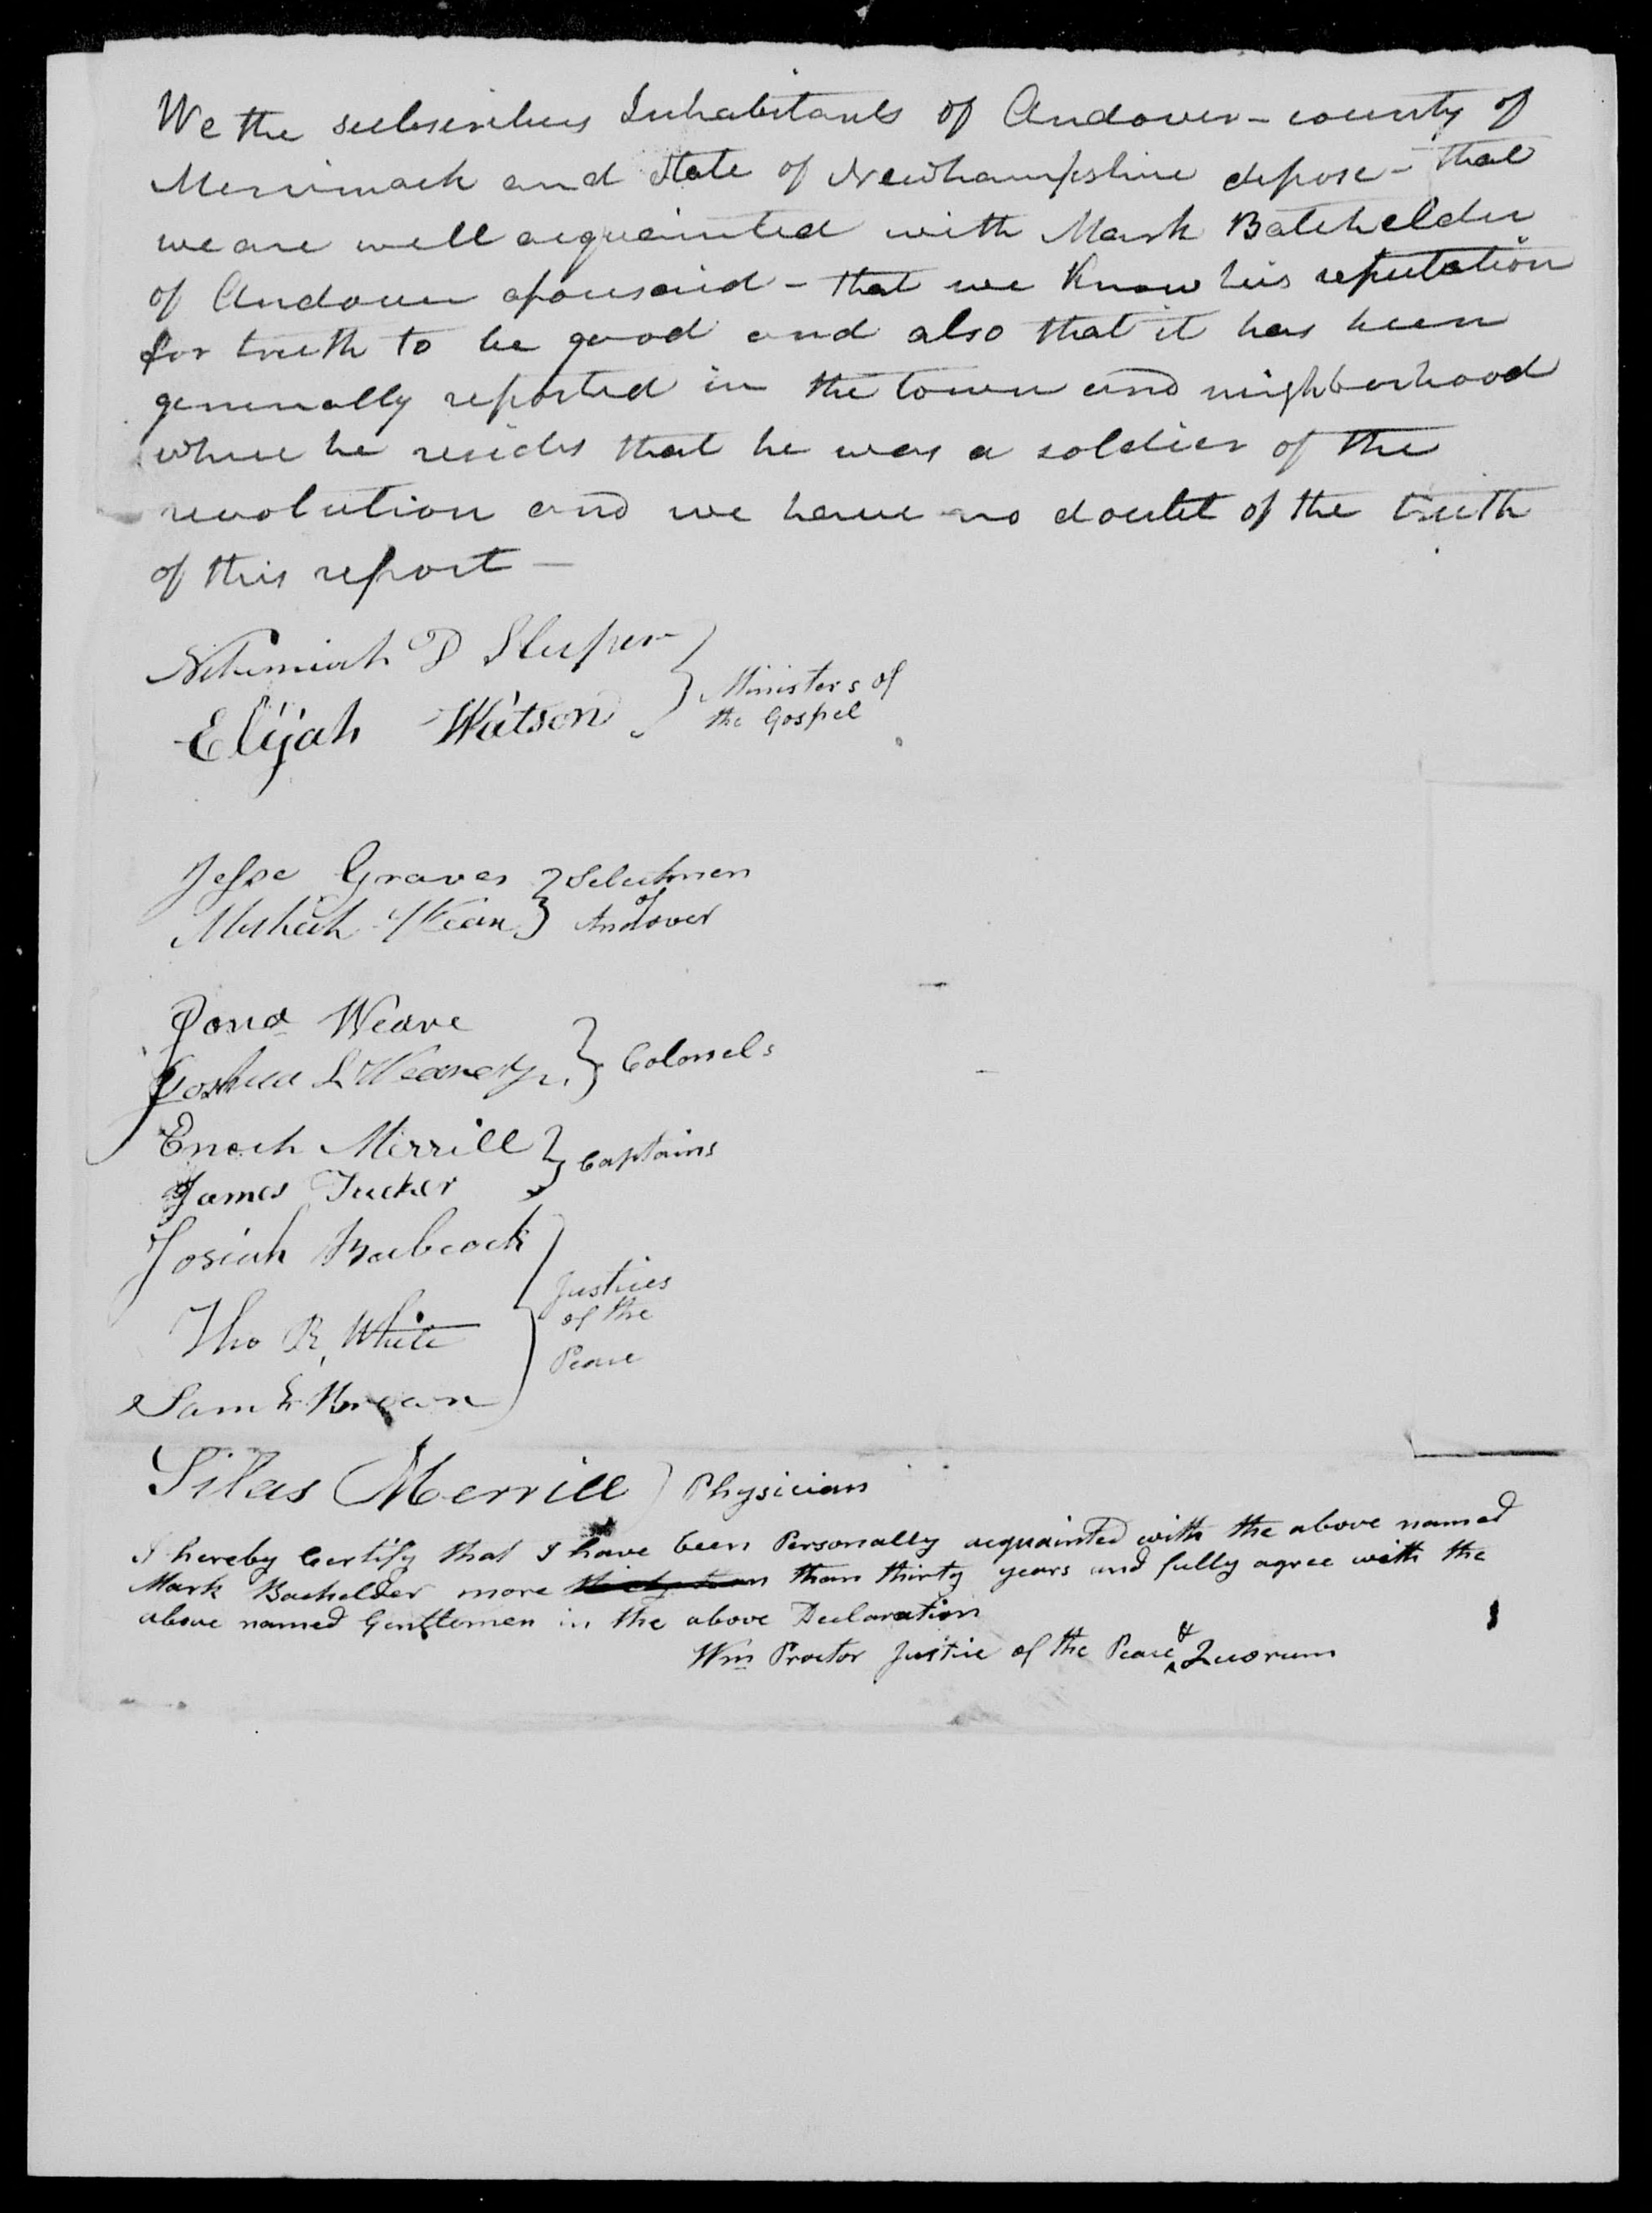We the subscribers Inhabitants of Andover - County of Merrimack and State of New Hampshire depose that we are well acquainted with Mark Batchelder of Andover aforesaid - that we know his reputation for truth to be good and also that it has been generally reported in the town and neighborhood
where he resides that he was a soldier of the
revolution and we have no doubt of the truth
of this report -

Nehemiah P Steeper [illegible]
Elijah Watson
Ministers of the Gospel

Jesse Graves
[illegible]
Selectmen of Andover

Pond Weave
Joshua [illegible] L Weaverly 
Colonels

Enoch Merrill
James Tucker
Captains

Josiah Babcock
Tho R. White
Sam E Brown [illegible] 
Justices of the Peace
 
Silas Merrill, Physicians
I hereby certify that I have been personally acquainted with the above named Mark Batchelder more than thirty years and fully agree with the above named Gentlemen in the above Declaration
Wm Proctor Justice of the Peace & Quorum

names: Wm Proctor, Mesheck Weare, Mark Batchelder, Jona Weave, Elijah Watson, Mark Bachelder, Enoch Mirrill, Silas Merrill, Sam E Moran, Tho R White, Joshua L Weaver, Jesse Graves, James Tucker, Nehemiah D Sleeper, Josiah Babcock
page: 6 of 11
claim: survivor's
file: S. 15302, Mark Batchelder, N. H